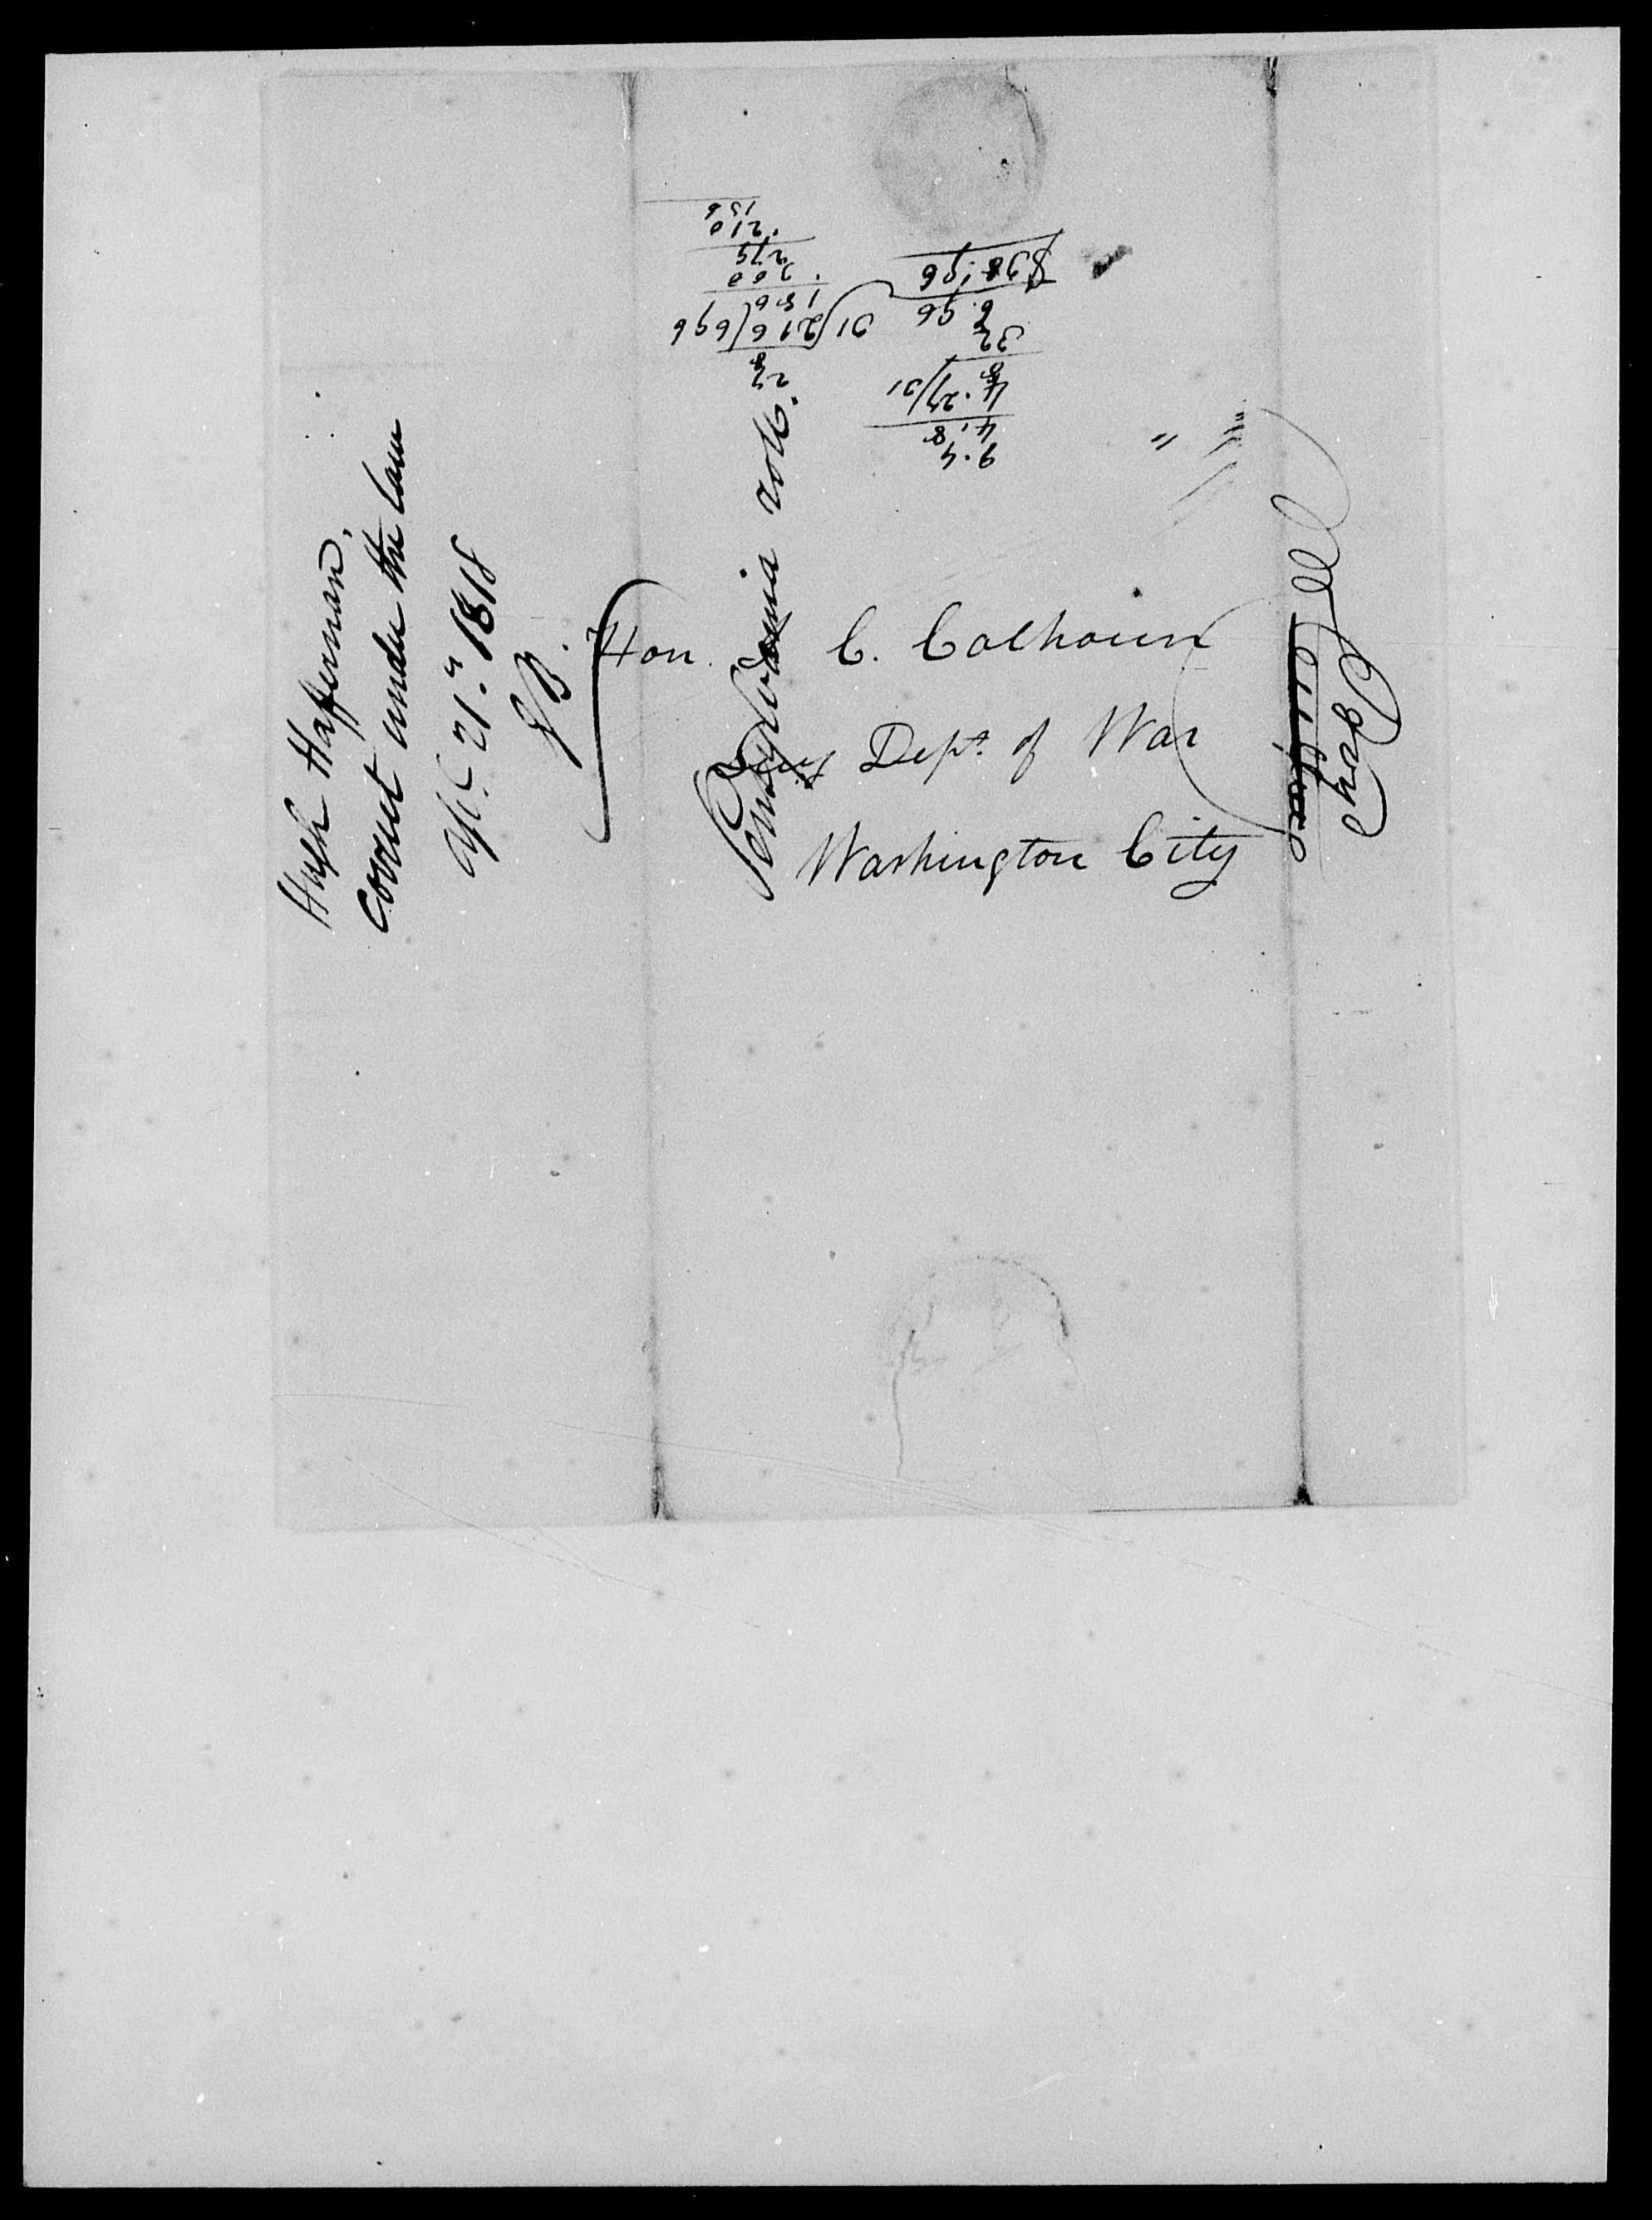Hugh Haffernan
Correct under the law
Apr. 21st 1818
JB
Pennsylvania Roll
9.4
4.8
4.27/31
32
6.96
$58.96
27
8
31{216/696
180
300
275
210
156

Hon. J. C. Calhoun
Secy. Dept of War
Washington City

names: Hugh Haffernan, J C Calhoun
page: 20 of 21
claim: rejected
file: R. 4419, Hugh Haffernan, Penn.